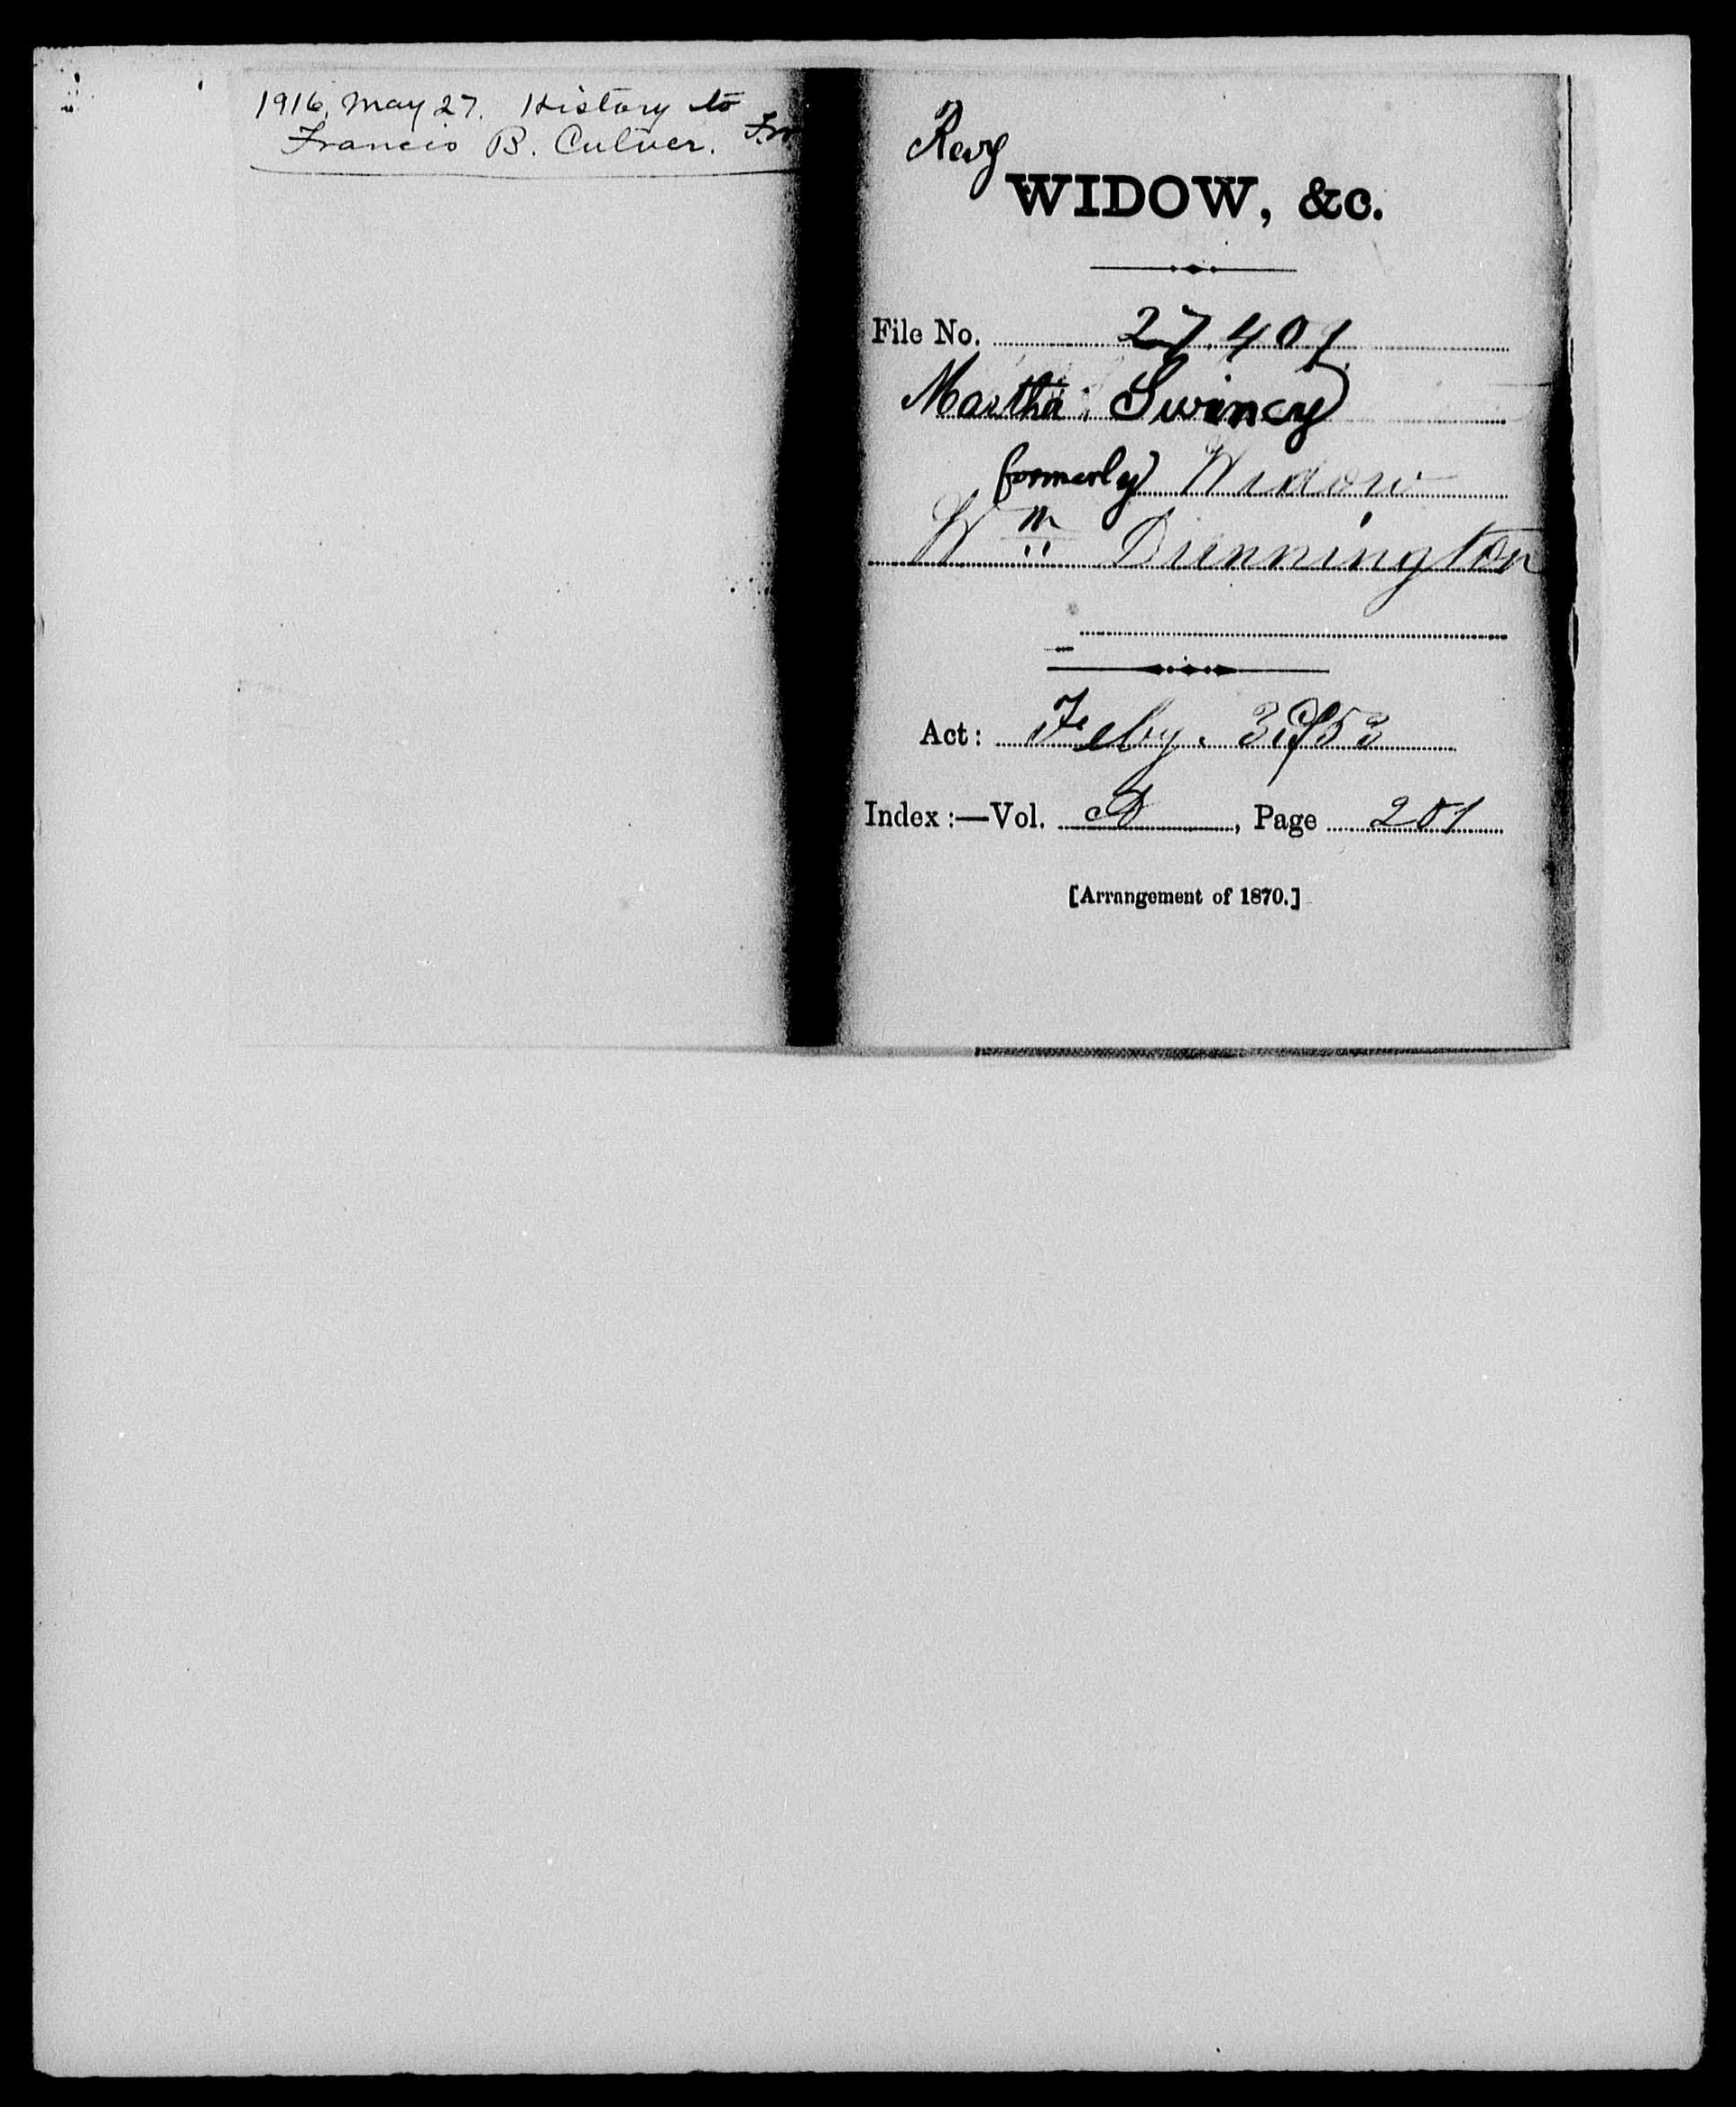Left Side Page

1916 May 27. History to Francis B Culver

Rights Side Page

Revy WIDOW, &c.

File NO. 27409
Martha Swiney
formerly widow
Wm Dunnington

Act: Feby 3 of '53
Index: Vol A Page 207

[Arrangement of 1870.]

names: Martha Swiney, Wm Dunnington, Francis B Culver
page: 29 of 51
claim: widow's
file: W. 27,409, William Dunnington, Md.